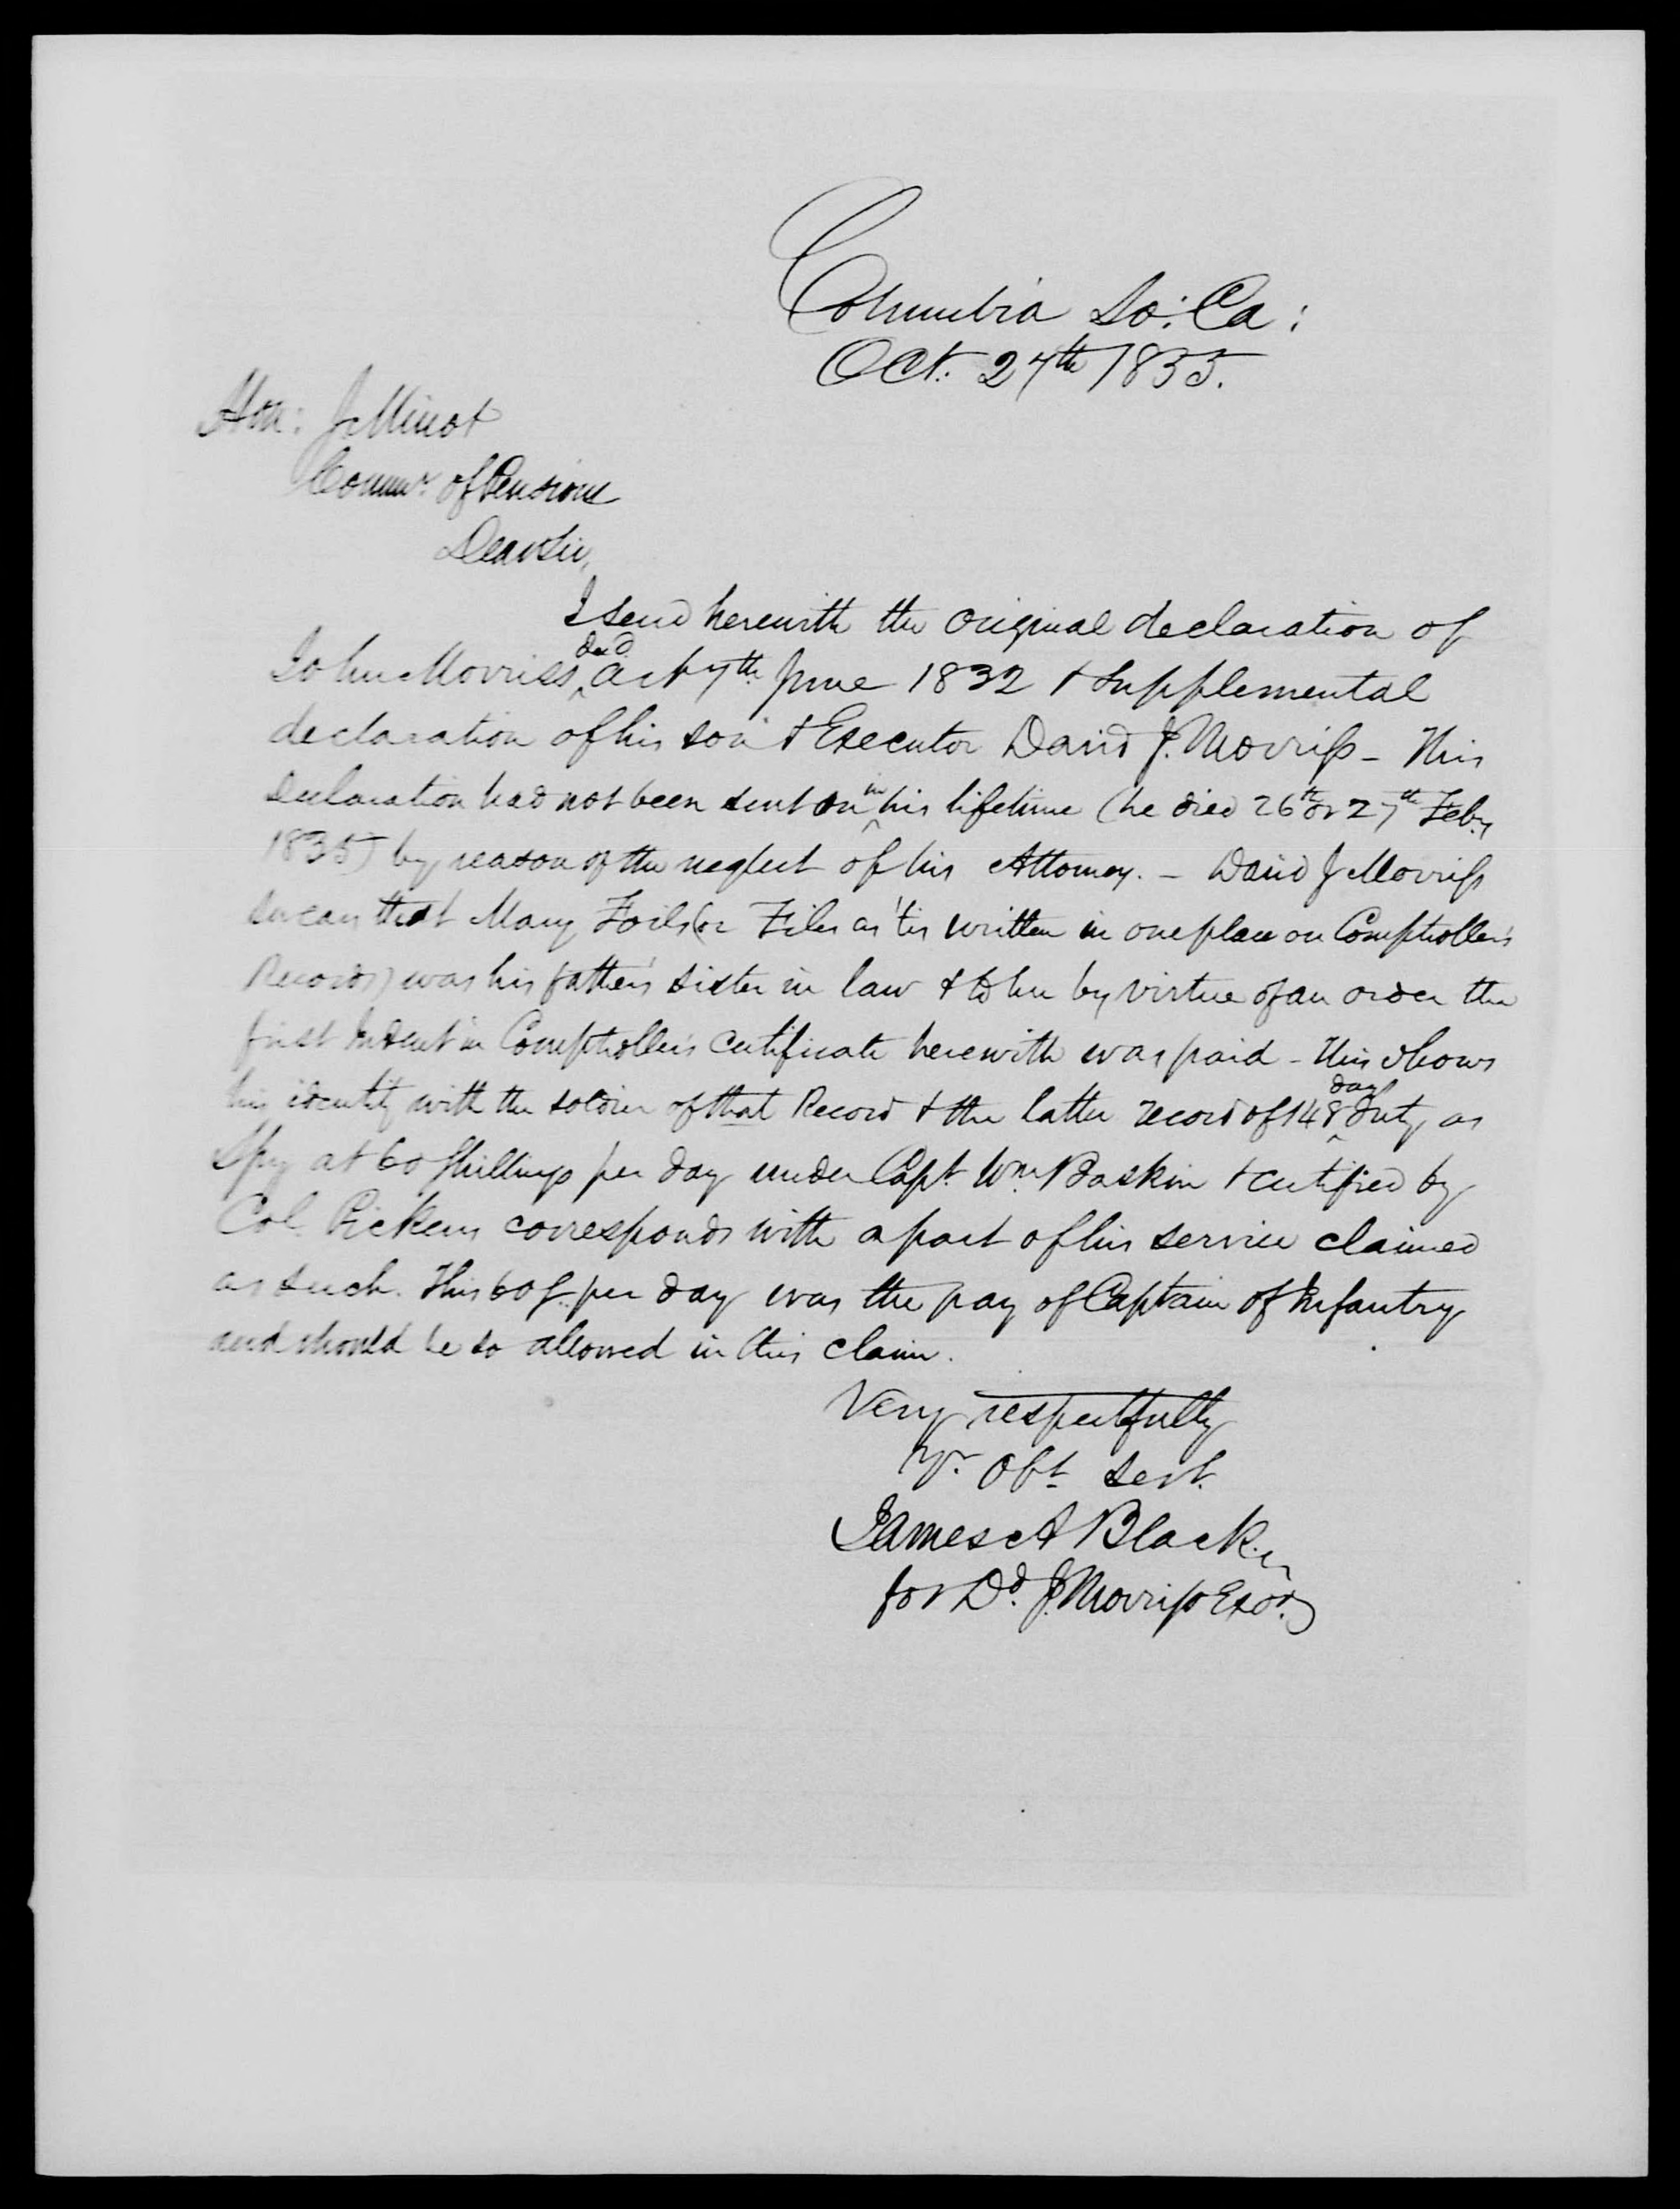Columbia So. Ca.
Oct. 27th 1855
Hon. J Minot
Commr of Pensions
Dear Sir
I send herewith the original declaration of John Morris decd Act 7th June 1832 & supplemental
declaration of his son Executor David J. Morriss- This declaration had not been sent in his lifetime he died 26th or 27th FebI 1835 by reason of the neglect of his Att rney. David J Morriss [Illegible] that Mary Foils (or Files as tis written in one place on Comptroller's Record ) was his fathers sister in law & to her by virtue of an order the first Indent in Comptrollers certificate herewith was paid, this shows
his identity with the soldier of that Record & the latter record of 148 days duty as spy at 60 shillings per day under Capt Wm Baskin & certified by
Col. Pickens corresponds with a part of his service claimed as such. This 60s per day was the pay of Captain of Infantry and should be so allowed in this claim
Very respectfully
Yr Obt Sert.
James A Black
for Dd J. Morriss Exor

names: Mary Files; Wm Baskin; James A Black; Mary Foils; J Minot; David J Morriss; [BLANK] Pickens; John Morriss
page: 14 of 20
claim: rejected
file: R. 7407, for John Morriss, South Carolina